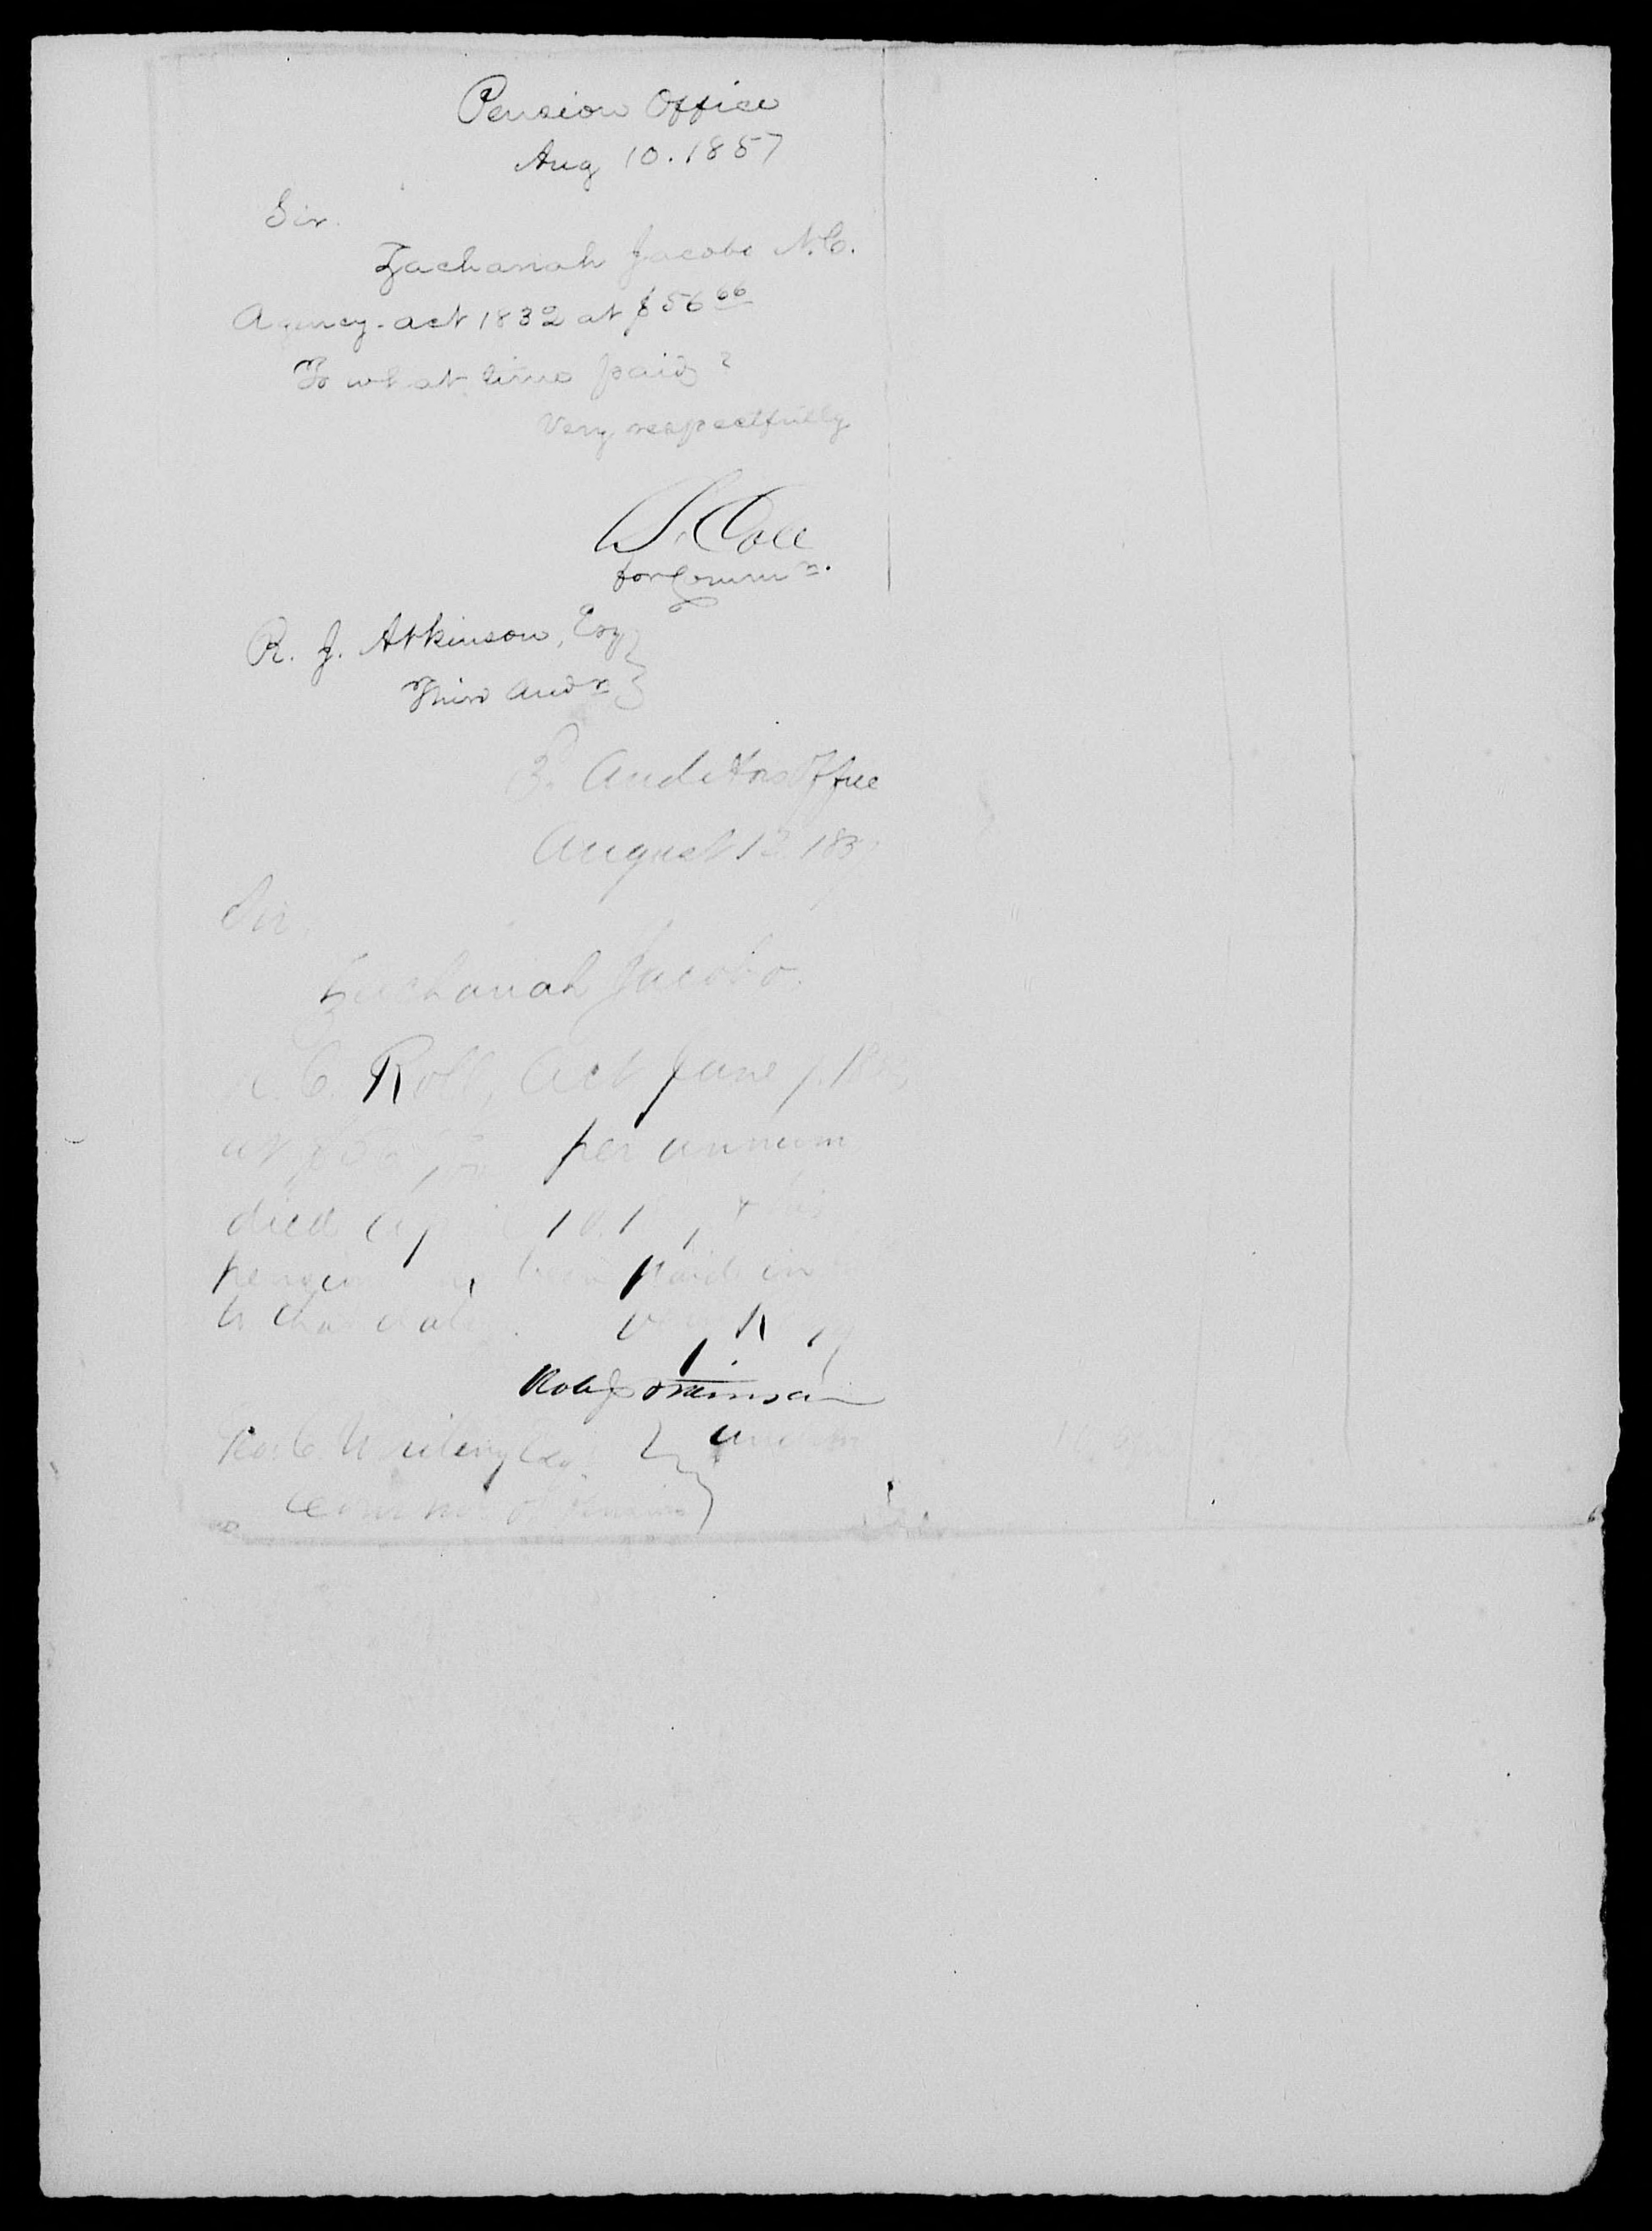Pension Office
                              Aug 10. 1857

Sir
          Zachariah Jacobs N.C. 
Agency - act 1832 a $56.66
To what line paid?
                  Very respectfully
[Signature] W. Coll
             for Comm'r

[Signature] R.J.Arkinson, Esq}
                Third Aud'r}

                             3d Auditors office
                             August 12, 1857

Sir
        Zachariah Jacobs,
N.C. Roll, Act June 7 1832
at $56 66/100 per annum
died April 10 18[illegible] & his
pension has been paid in [illegible]
 [Signature] Rob J Minsar[?]
                       auditor

[illegible]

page: 38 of 40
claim: widow's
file: W. 5304, for Zachariah Jacobs, North Carolina